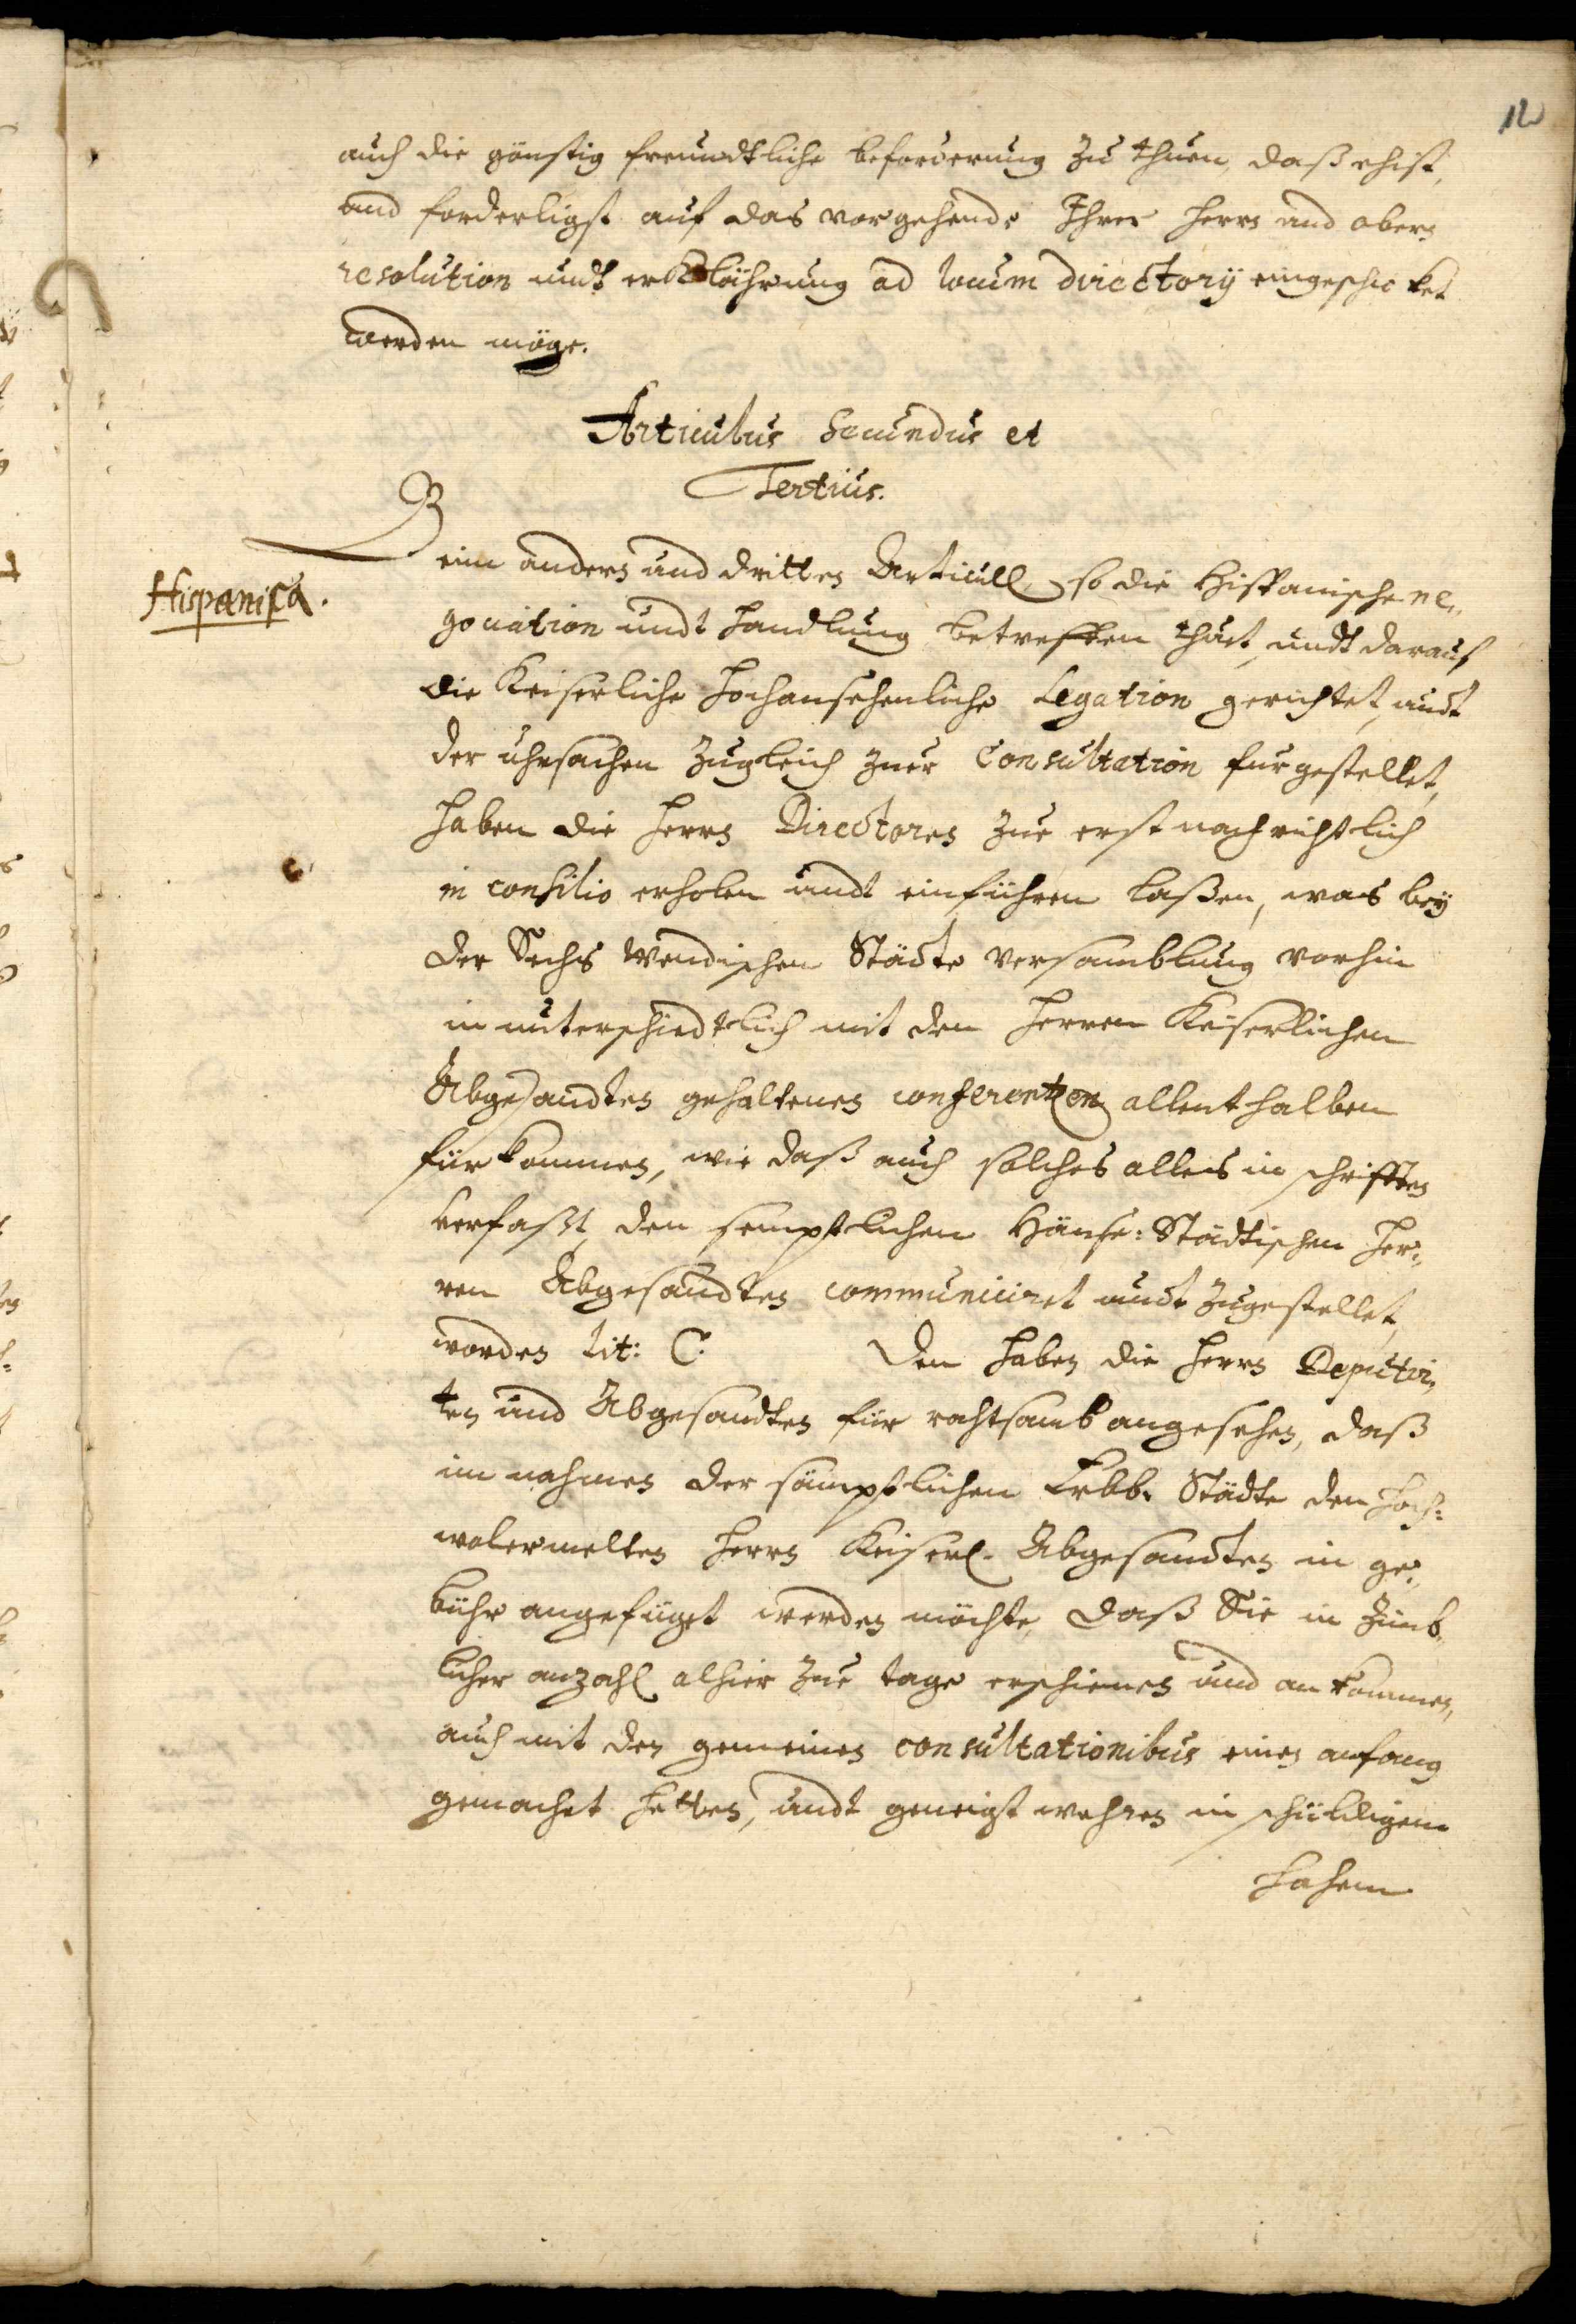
12
Hispanica
auch die gänstig freundtliche beforderung zu thuen, daß ehist
und forderligst auf das vorgehende Ihrer herrn und oberen
resolution undt erklährung ad locum directorij eingeschicket
werden möge.
Articulus Secundus et
Tertius
Beim andern und dritten Articull, so die Hispanische ne¬
gonation undt handlung betreffen thuet, undt darauf
die Keiserliche Hochansehenliche Legation gerichtet, undt
der uhrsachen zugleich zuer Consultation furgestellet,
haben die herrn Directoren zue erst nachrichtlich
in consilio erholen undt einführen lassen, was beij
der Sechs Wendischen Städte versamblung vorhin
in unterschiedtlich mit den herren Keiserlichen
Abgesandten gehaltenen conferentzen allenthalben
fürkommen, wie dass auch solches alles in schrifften
verfasst, den semptlichen Hänse: Städtischen her¬
ren Abgesandten communiciret undt zugestellet
worden Lit: C. Den haben die herrn Deputir¬
ten und Abgesandten für rahtsamb angesehen, dass
im nahmen der sämptlichen Erbb. Städte den hoch¬
wolermelten herrn Keiserl. Abgesandten in ge¬
bühr angefüget werden möchte, dass Sie in Zimb¬
licher anzahl alhier zue tage erschienen und ankommen,
auch mit den gemeinen consultationibus einen anfang
gemachet hetten, undt geneigt wahren in schüldigem
hohem
